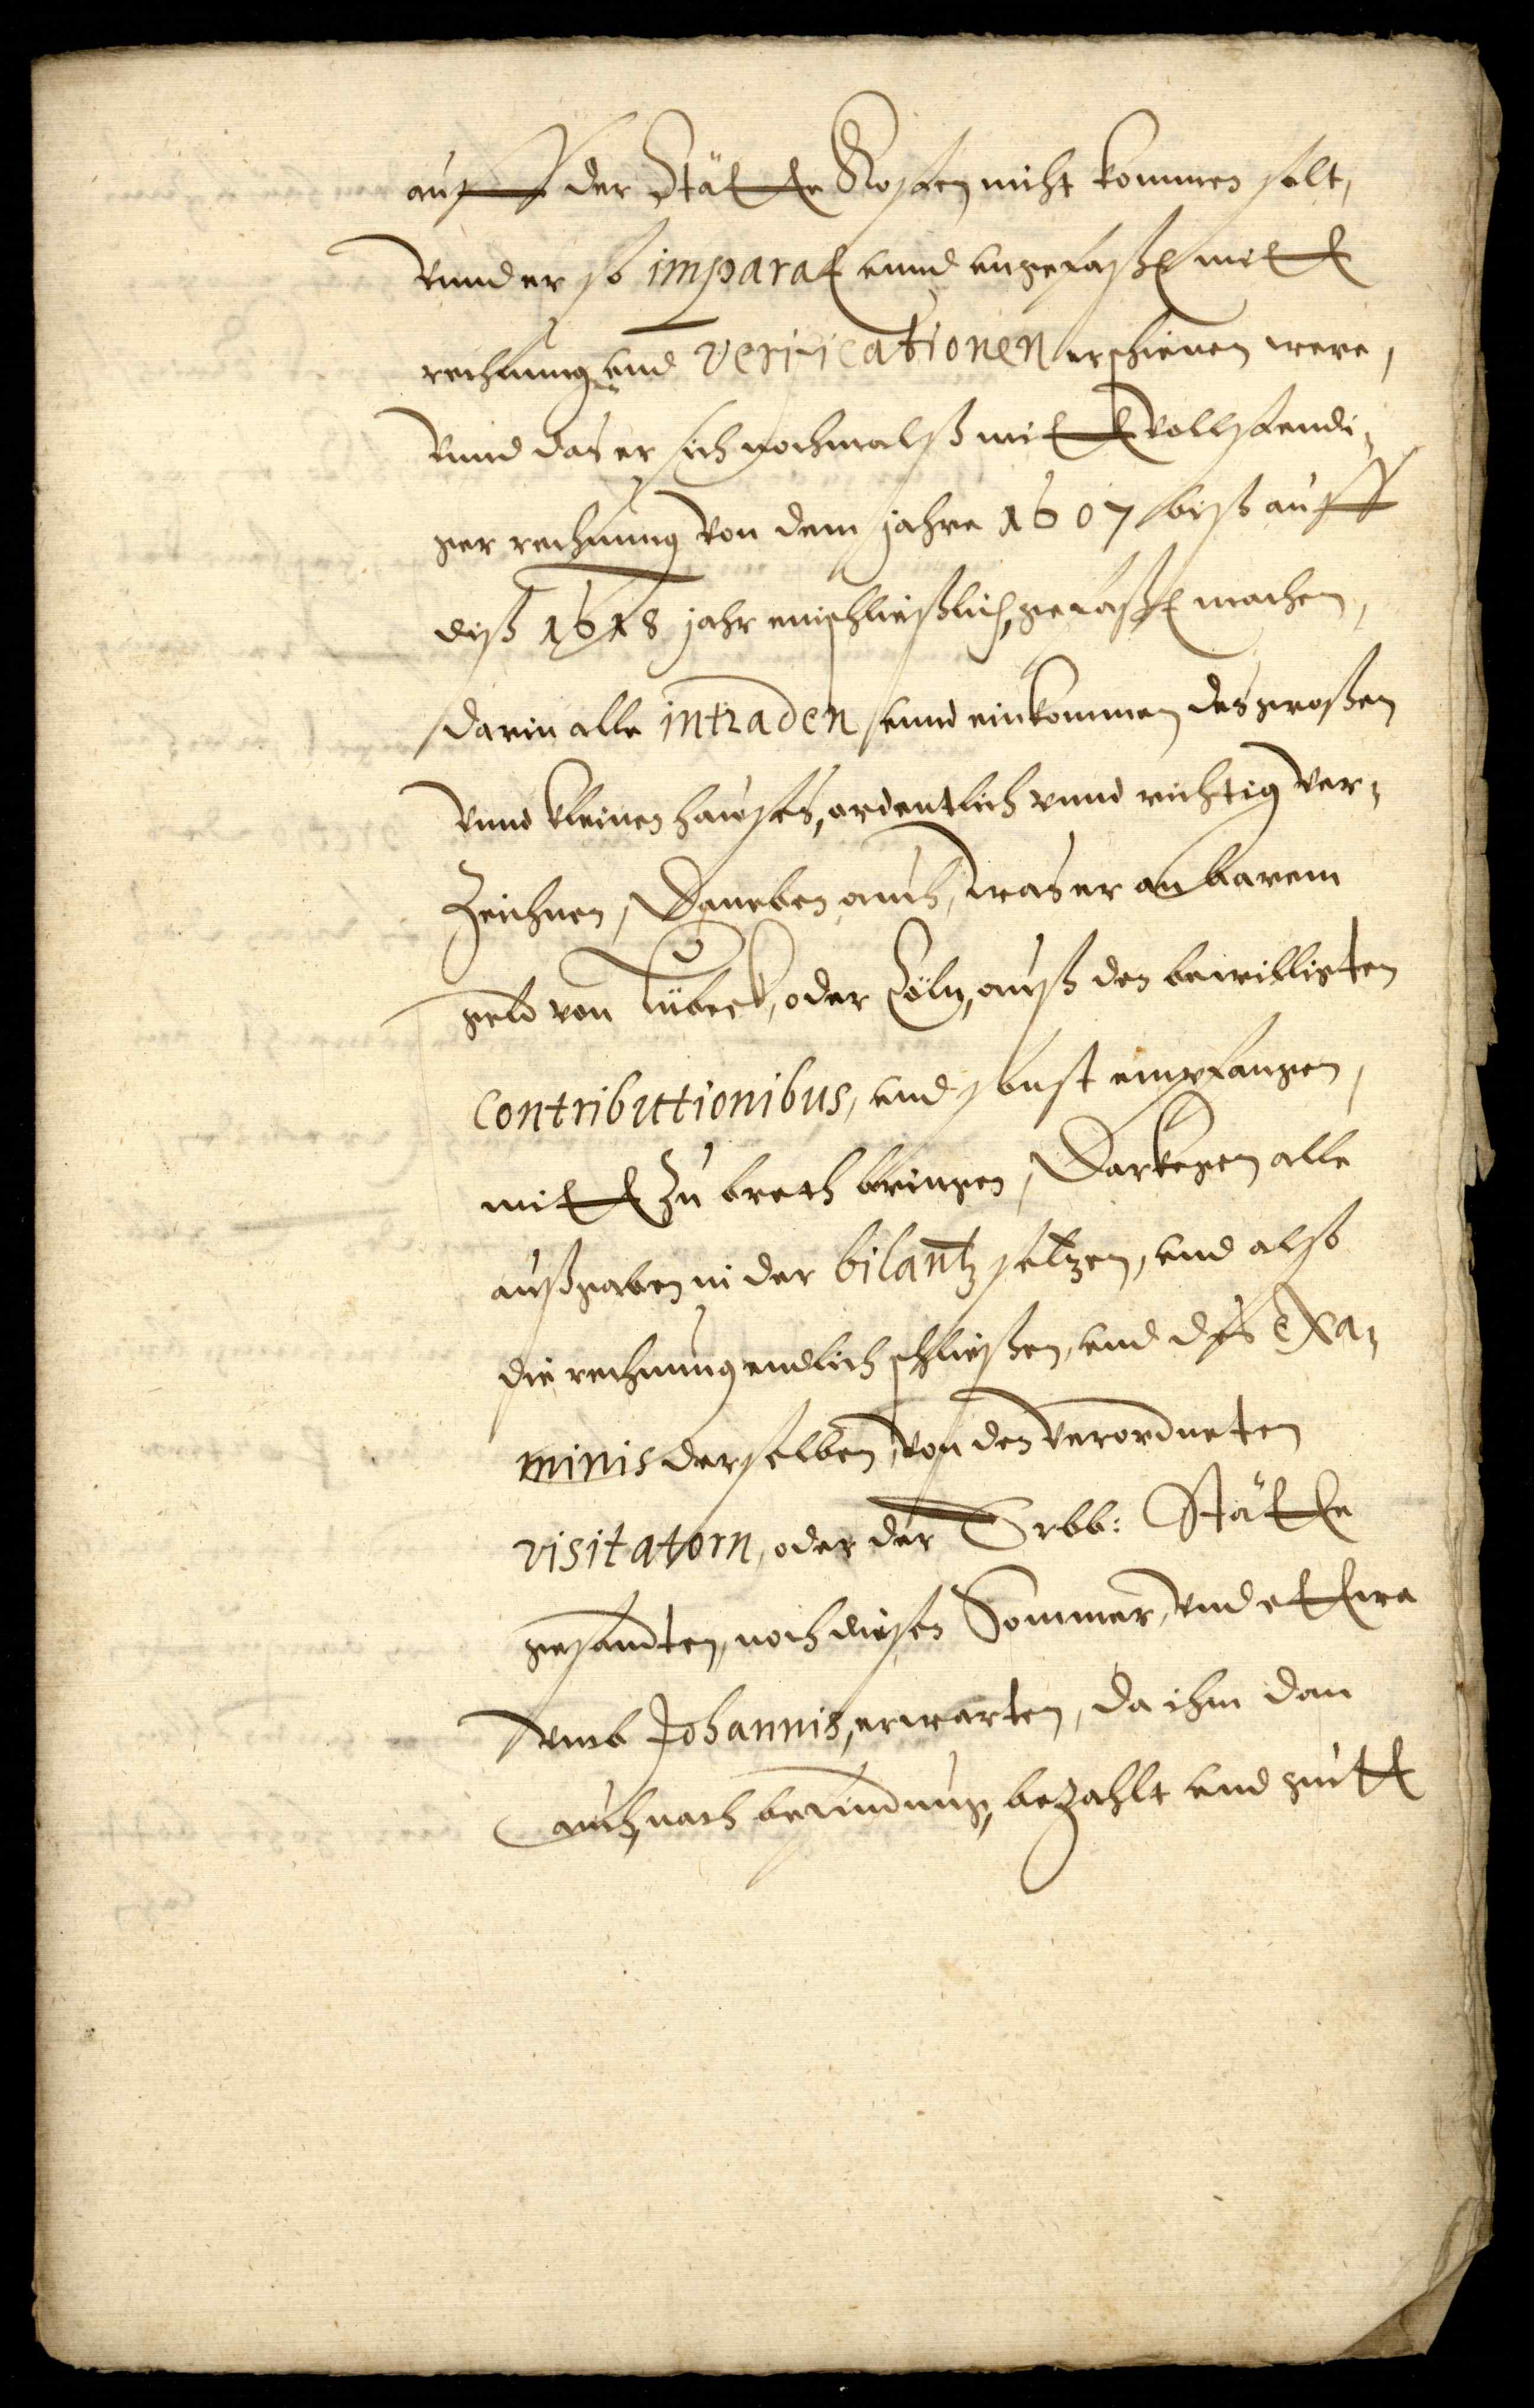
auff der Stätte Kosten nicht kommen solt,
Vnnd er so imparat vnnd vngefaßt mitt
rechnungen vnd verificationen erschienen were,
Vnnd das er sich nochmalß mitt vollstendi¬
ger rechnung Von dem jahre 1607 biß auff
diß 1618 jahr einschließlich, gefaßt machen,
darin alle intraden vnnd einkommen des großen
Vnnd kleines hauses, ordentlich vnnd richtig ver¬
Zeichnen, daneben auch, Was er an barem
geld von Lübeck, oder Cöln, auß den bewilligten
contributionibus, vnd sonst empfangen,
mitt Zu breth bringen, Darkegen alle
außgaben in der bilantz setzen, vnd also
die rechnung endlich schließen, vnd des exa¬
minis derselben, Von den Verordneten
visitatorn, oder der Erbb: Stätte
gesandten, noch diesen Sommer, Vnd ettwa
Vmb Iohannis, erwarten, da ihm dan
auch nach befindung, bezahlt vnd quitt
